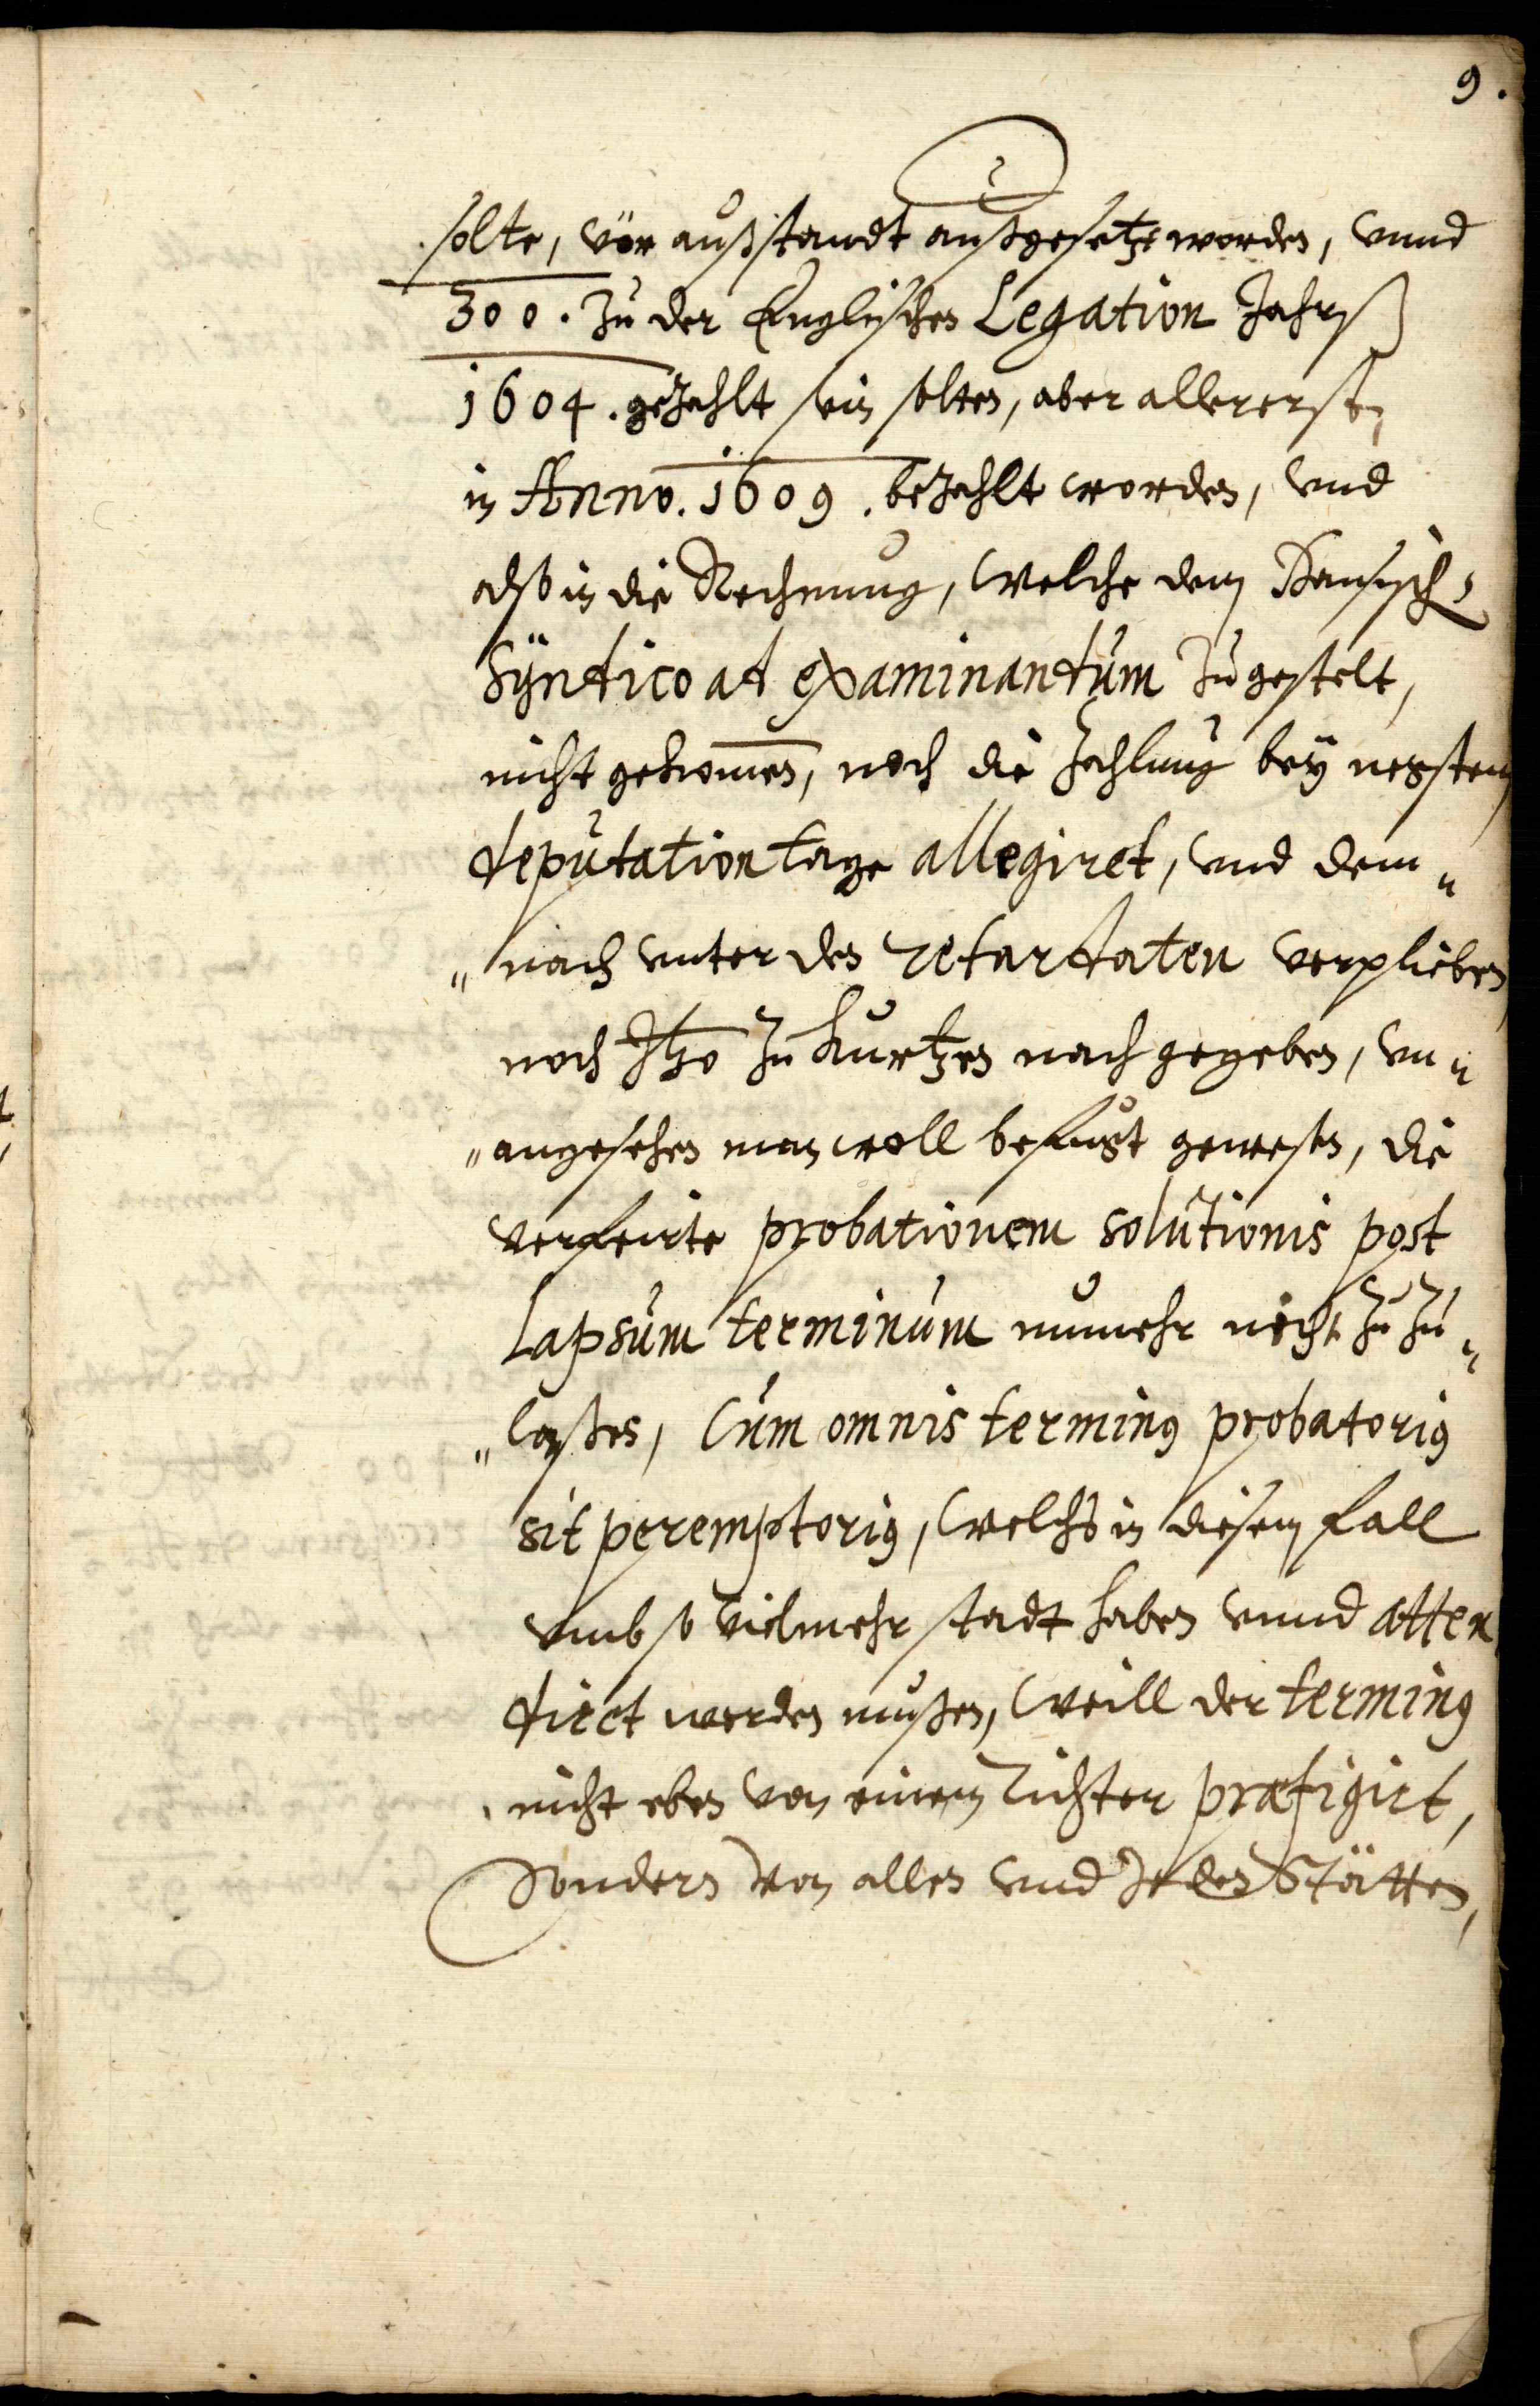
9.
solte, vör außstandt außgesetzt worden, vnnd
300. zu der Englischen Legation Jahrß
1604. gezahlt sein solten, aber allererst
in Anno. 1609. bezahlt worden, vnd
also in die Rechnung, welche dem Hansischen
Syndico ad examinandum zugestelt,
nicht gekommen, noch die Zahlung beij negstem
deputationtage allegiret, vnd dem¬
nach vnter den retardaten verplieben,
noch itzo zu kurtzen nach gegeben, vn¬
angesehen man woll befugt gewesen, die
verfeirte probationem solutionis post
lapsum terminum numehr nicht zu zu¬
laßen, cum omnis terminus probatorius
sit peremptorius, welchs in diesem fall
vmb so vielmehr stadt haben vnnd atten¬
diret werden mußen, weill der terminus
nicht eben von einem Richter præfigirt,
Sondern von allen vnd jeden Stätten,
